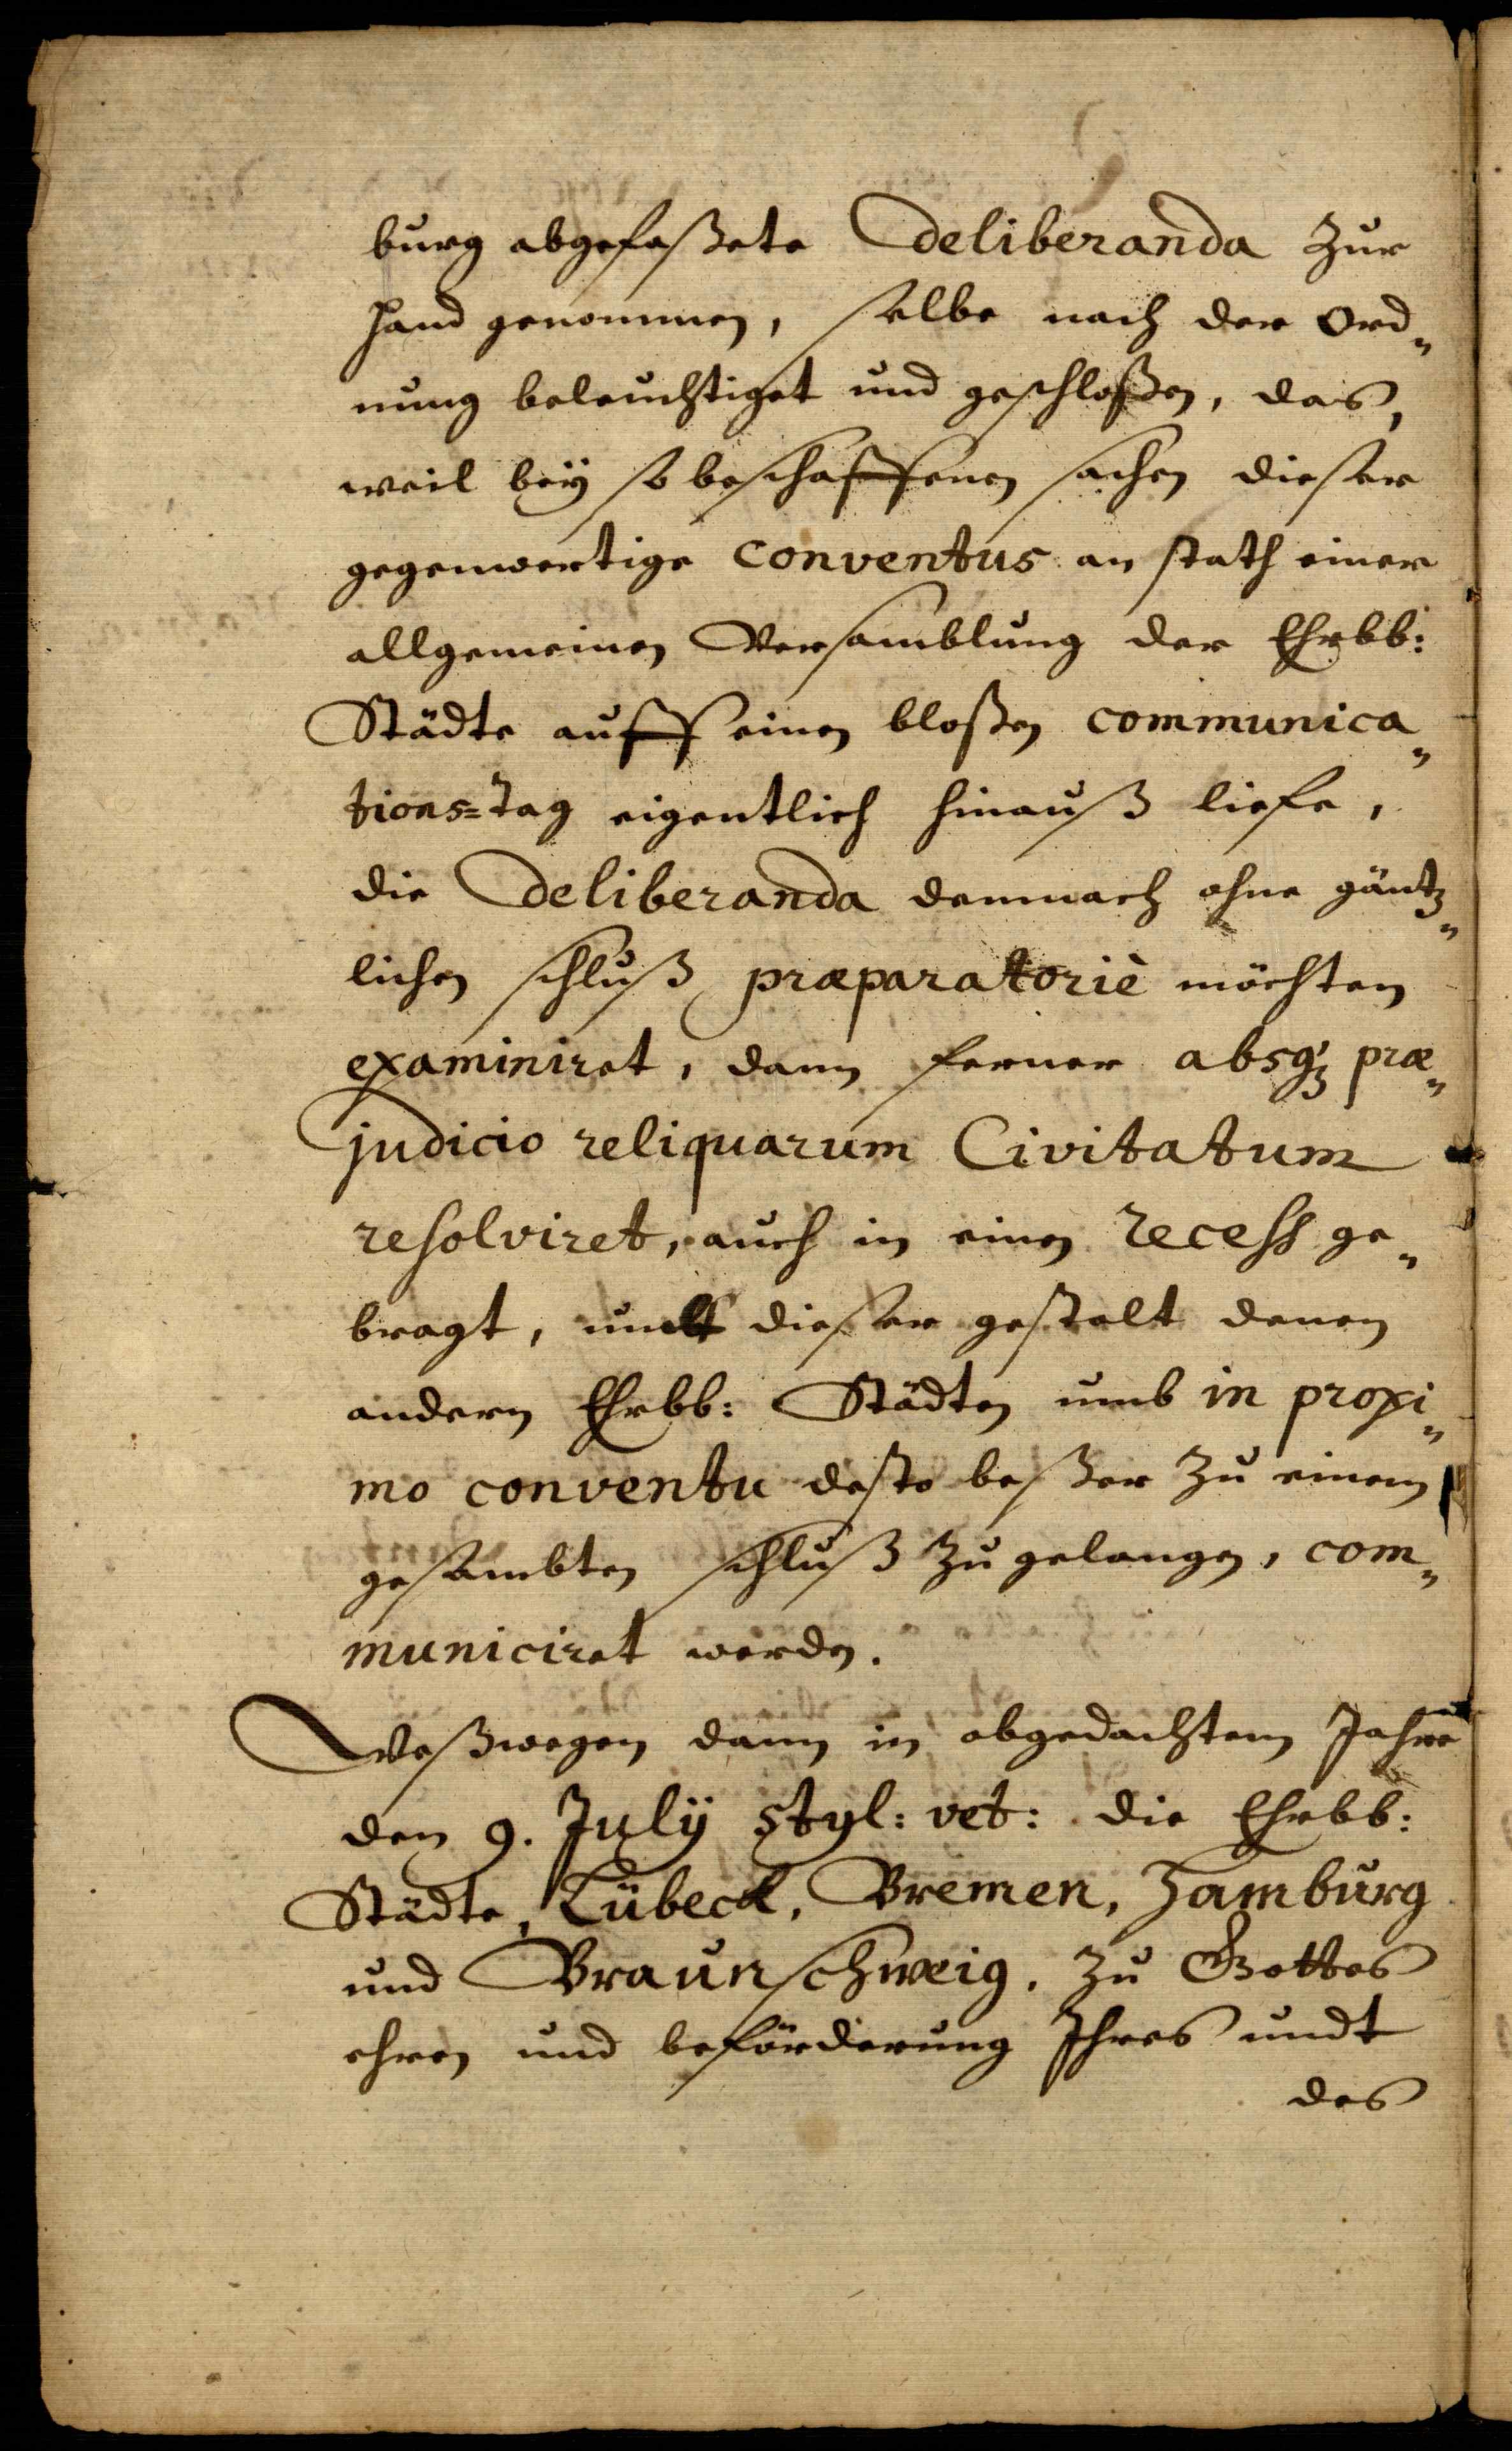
burg abgefaßete deliberanda zur
hand genommen, selbe nach der Ord¬
nung beleuchtiget und geschloßen, das,
weil beij so beschaffenen sachen dieser
gegenwertige conventus an stath einer
allgemeinen Versamblung der Ehrbb:
Städte auff einen bloßen communica¬
tions=tag eigentlich hinauß liefe,
die deliberanda demnach ohne gäntz¬
lichen Schluß praeparatorie möchten
examiniret, dann ferner absque prae¬
judicio reliquarum Civitatum
resolviret, auch in einen Recess ge¬
bragt, vndt dieser gestalt denen
andern Ehrbb: Städten umb in proxi¬
mo conventu desto beßer zu einem
gesambten schluß zu gelangen, com¬
municiret werden.
Weßwegen dann in obgedachtem Jahre
den 9. Julij styl: vet: die Ehrbb:
Städte, Lübeck, Bremen, Hamburg
und Braunschweig, zu Gottes
ehren und beförderung Ihres undt
des
